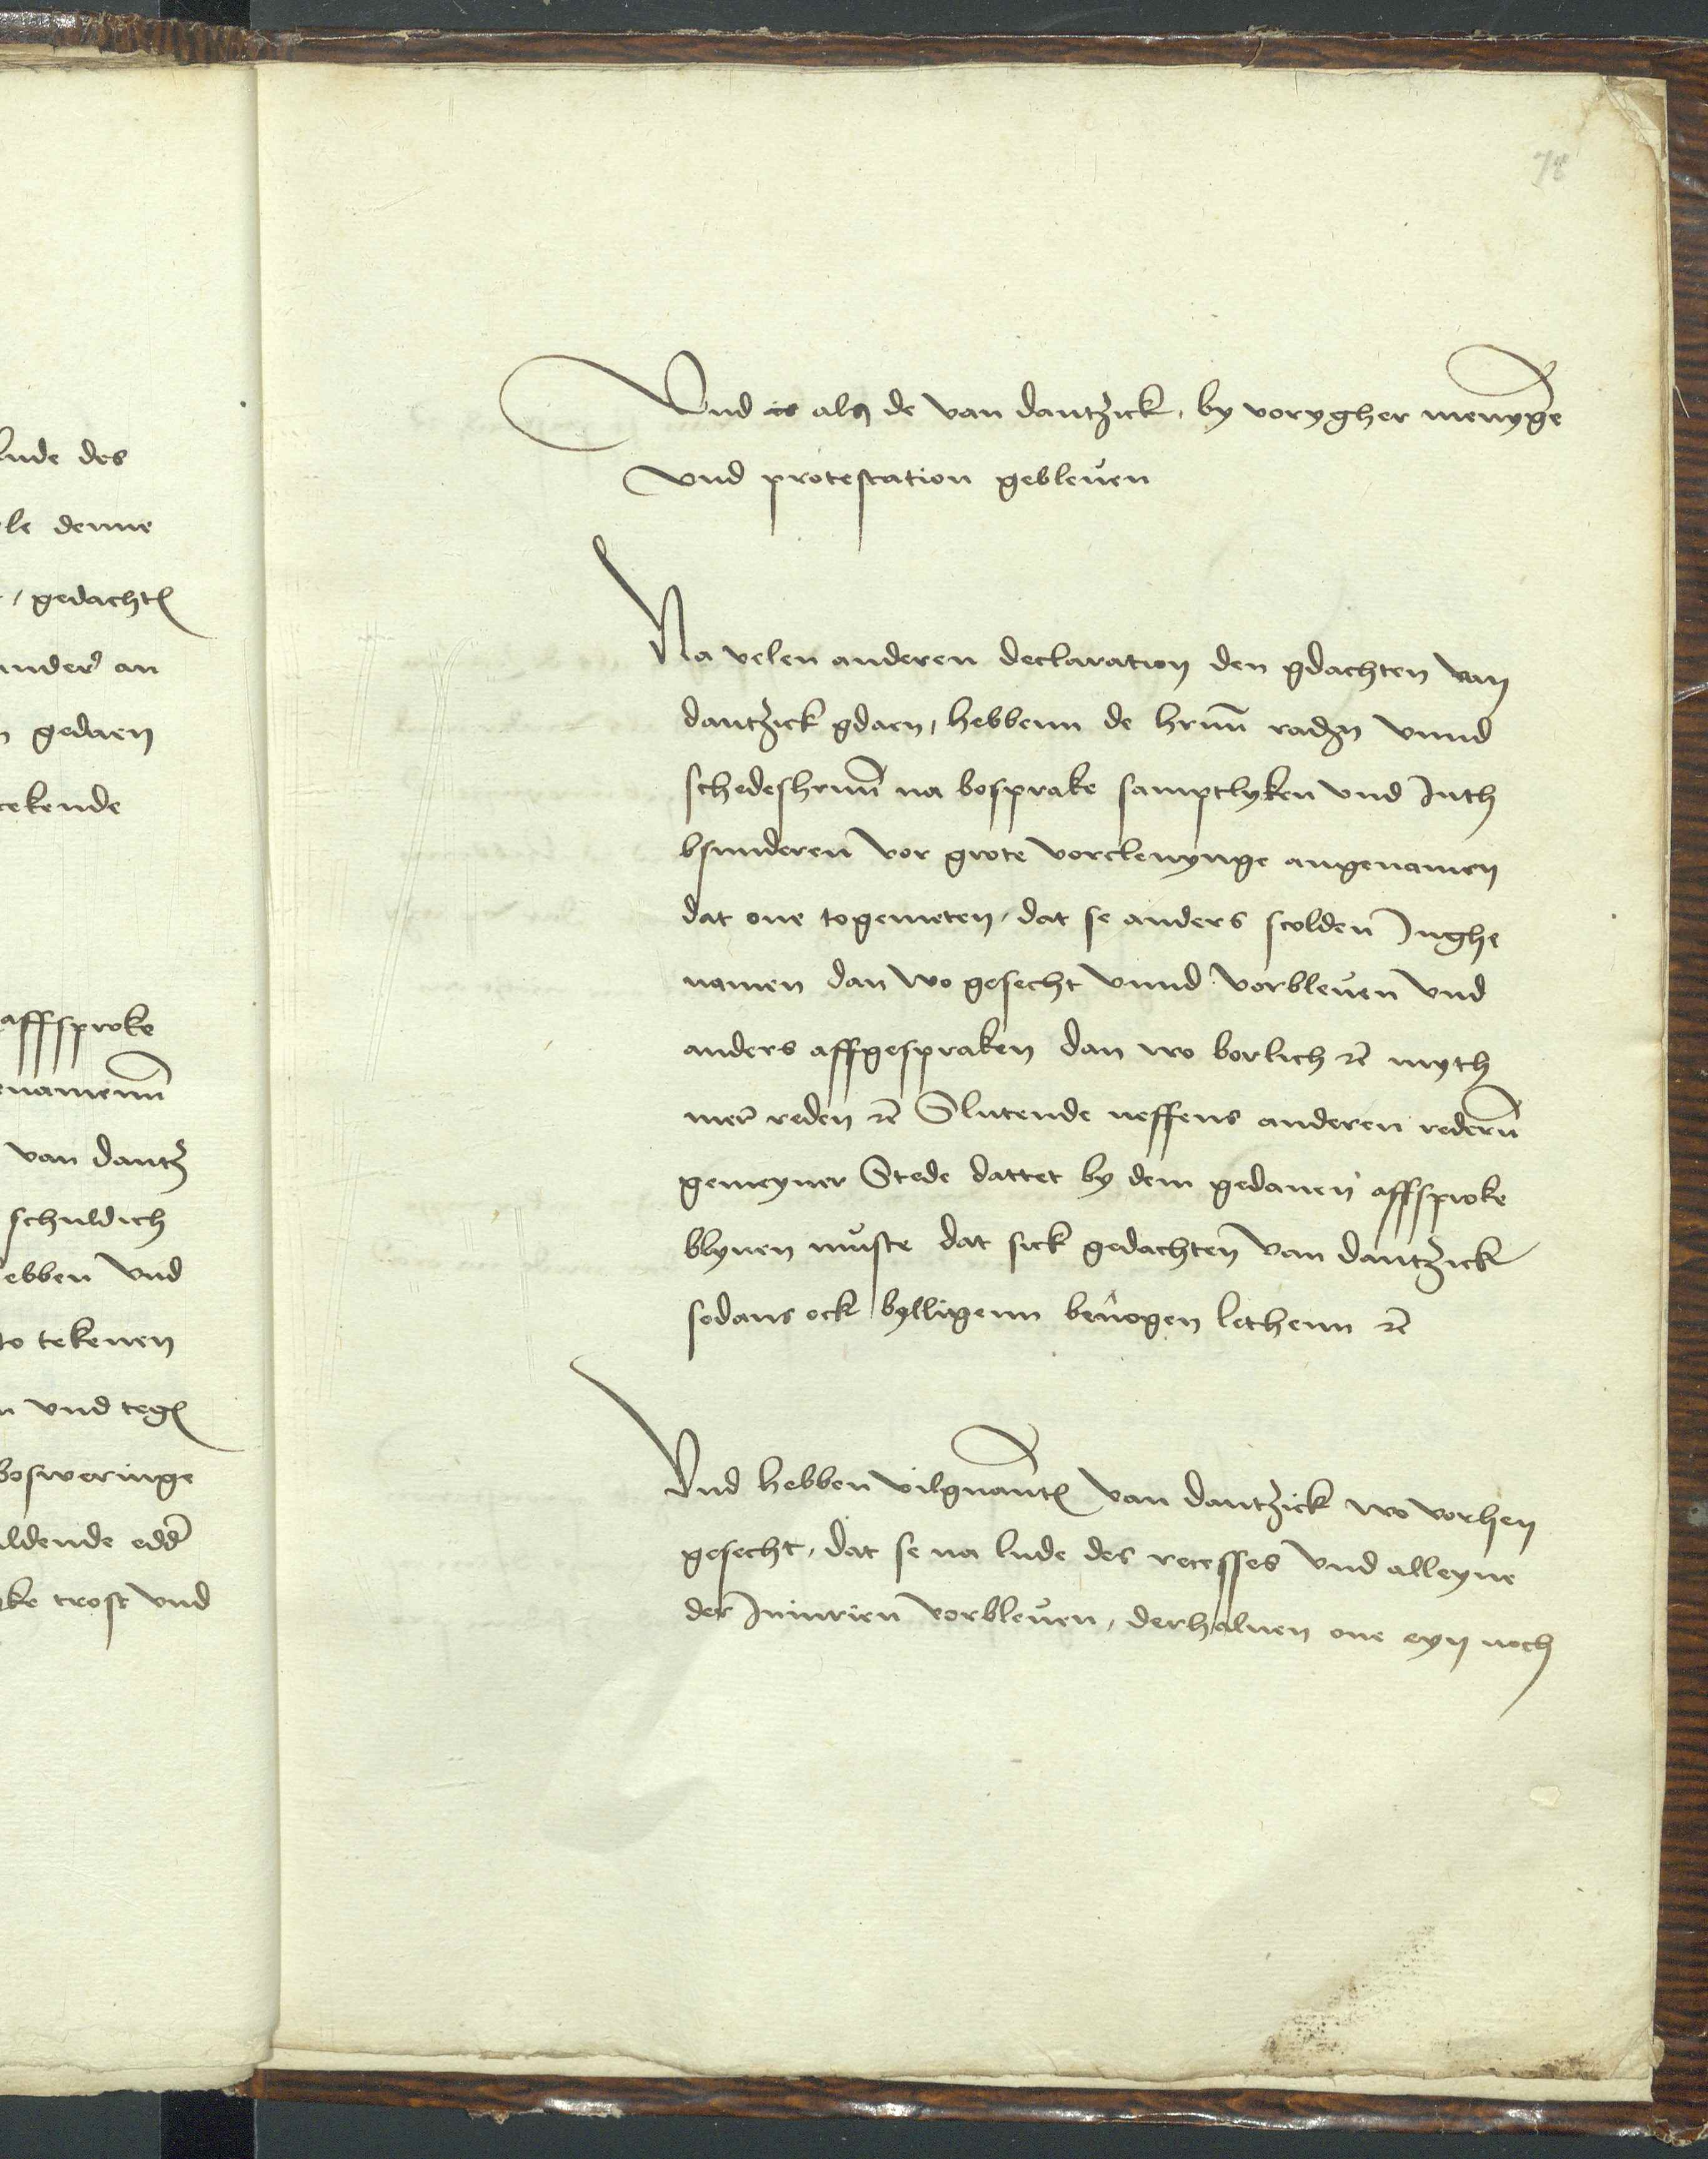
Vnd is als de van dantzick, by vorygher menynge
vnd protestation gebleuen
Na velen anderen declaration den gdachten van
dantzick gdaen, hebbenn de hernn radessendebaden vnnd
schedeshernn na bosprake samptlyken vnd Jnth
bsunderen vor grote vorclenynge angenamen
dat one togemeten, dat se anders scolden Jnghe¬
namen dan wo gesecht vnnd vorbleuen vnd
anders affgespraken dan wo borlich etc myth
mer reden etc Slutende neffens anderen redernn
gemeyner Stede dattet by dem gedanen affsproke
blyuen muste dat sick gedachten van dantzick
sodans ock bylligenn beuogen lethen etc
Vnd hebben vilgenanten van dantzick wo vorhen
gesecht, dat se na lude des recesses vnd alleyne
der Jniurien vorbleuen, derhaluen one eyn noch
